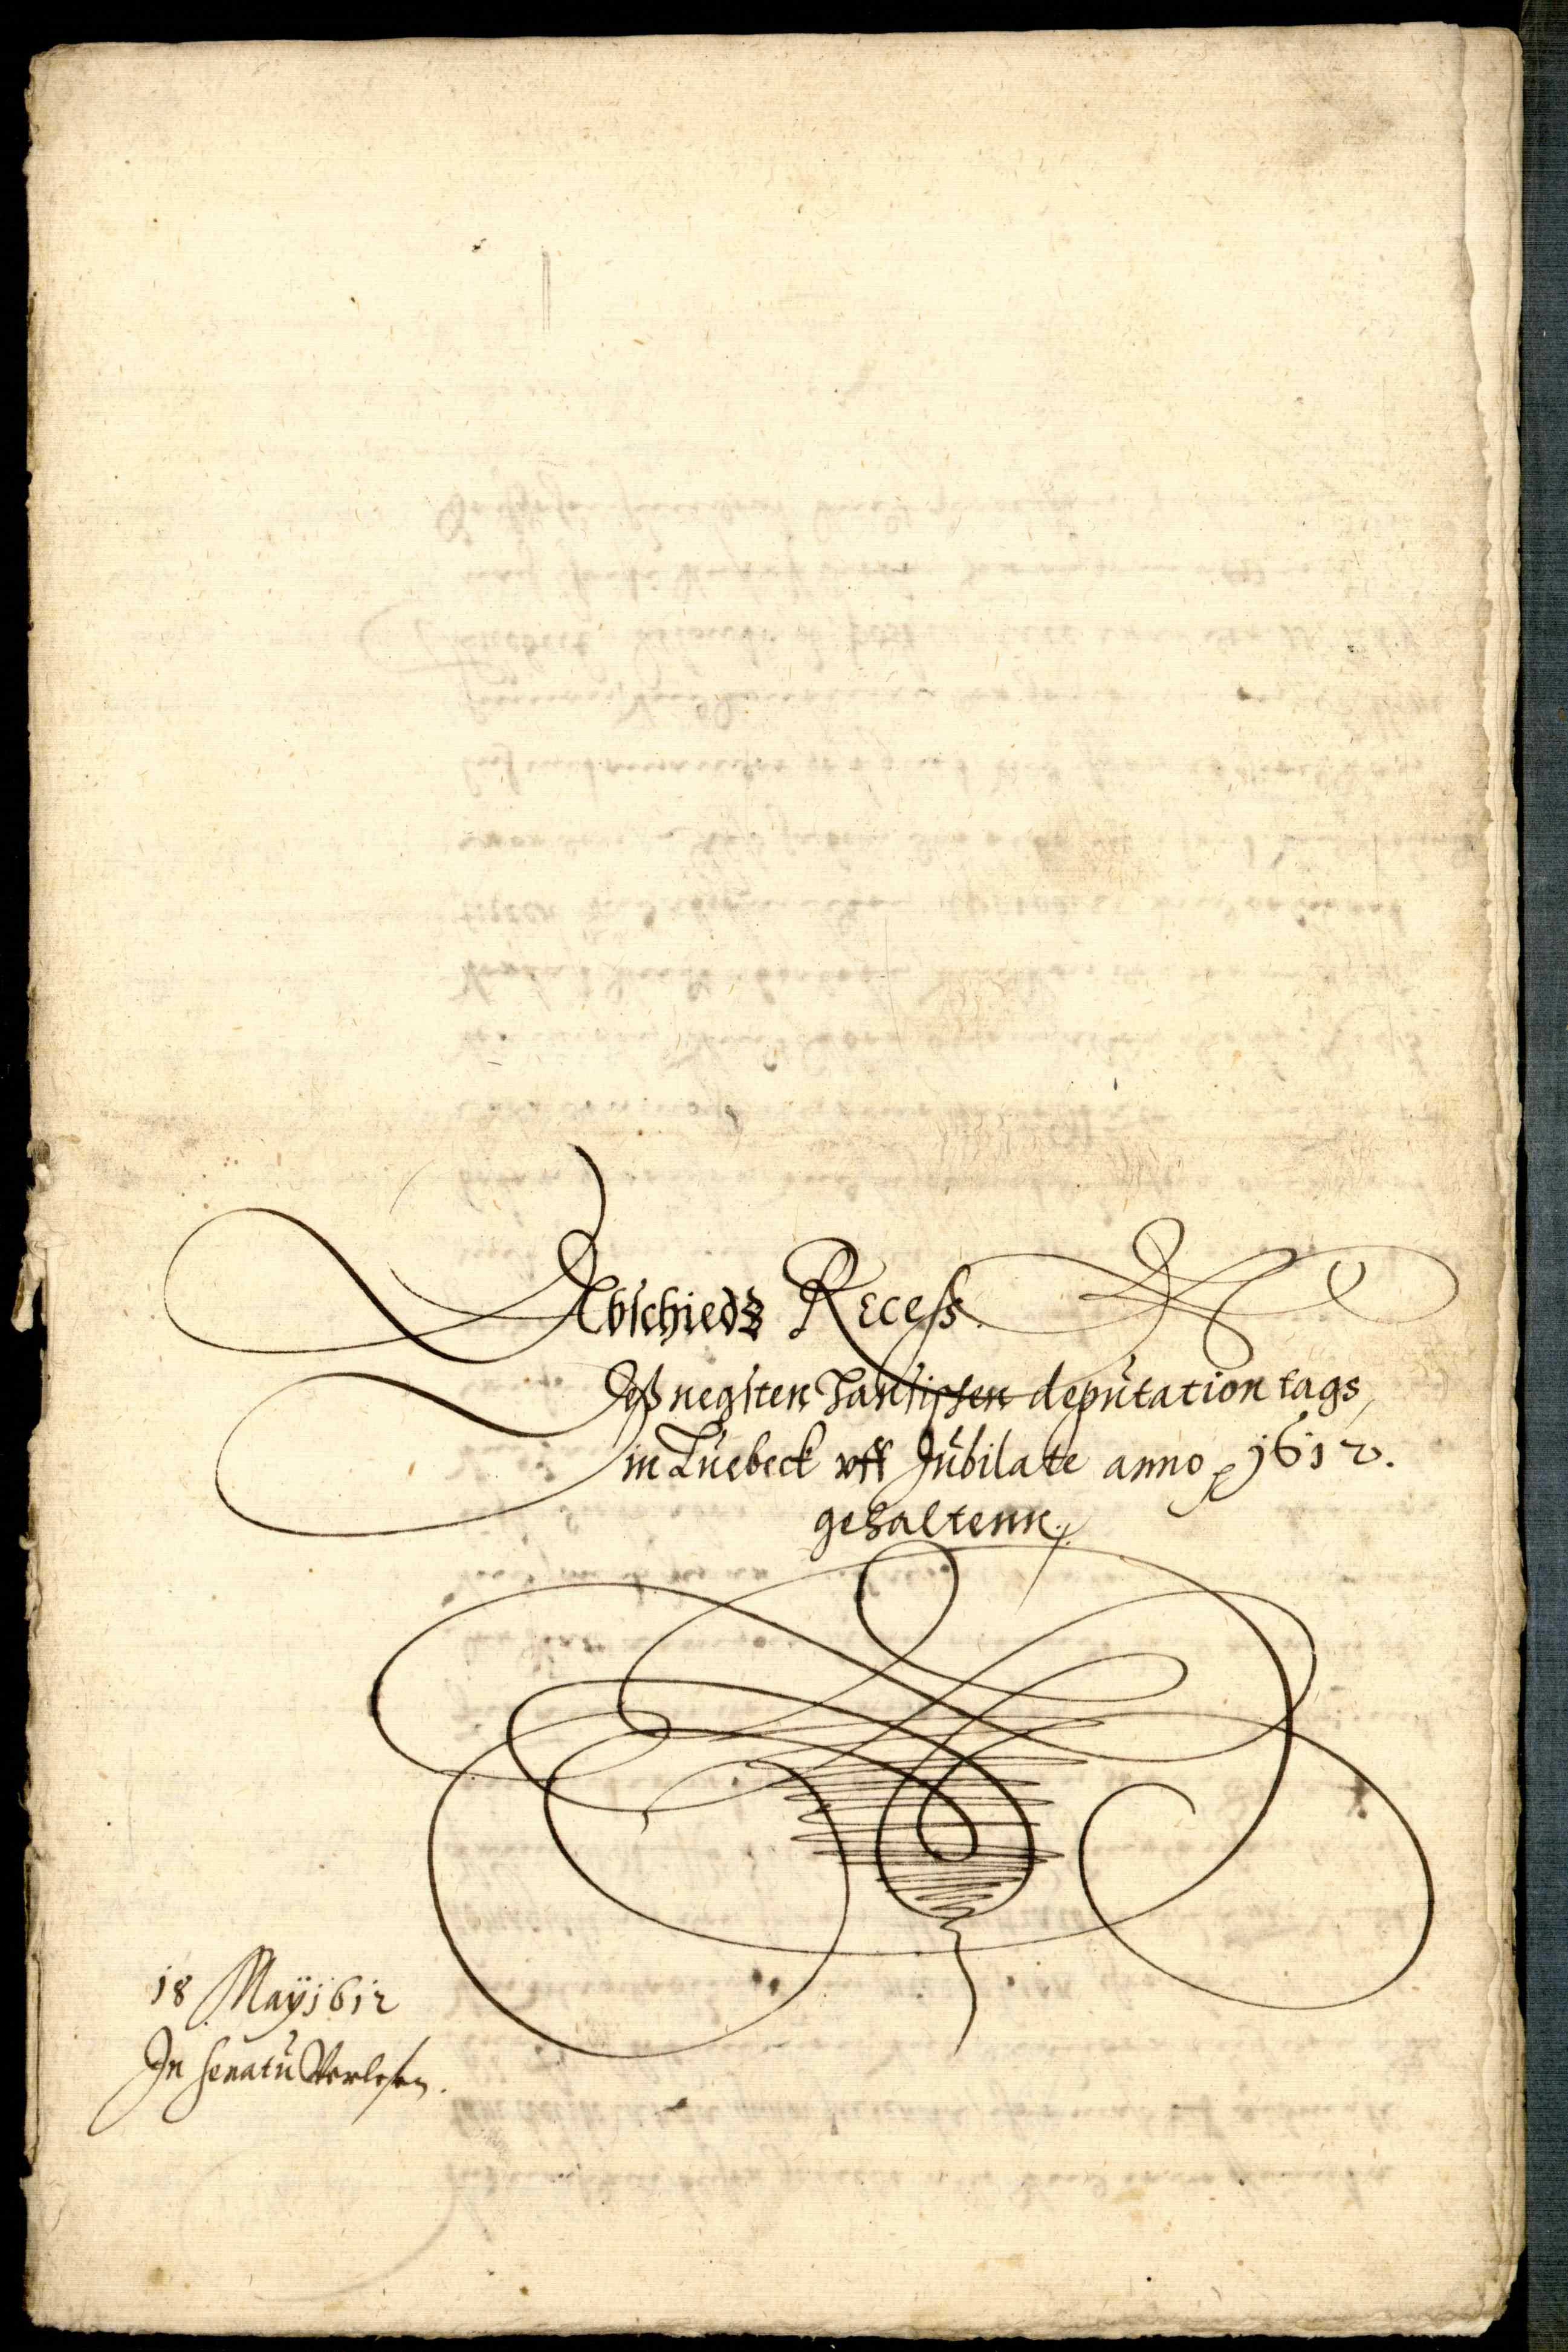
Abschieds Recess
Deß negsten Hansischen deputation tags,
in Luebeck vff Jubilate anno p 1612.
gehalten:
18 Maij 1612
In senatu verlesen.
